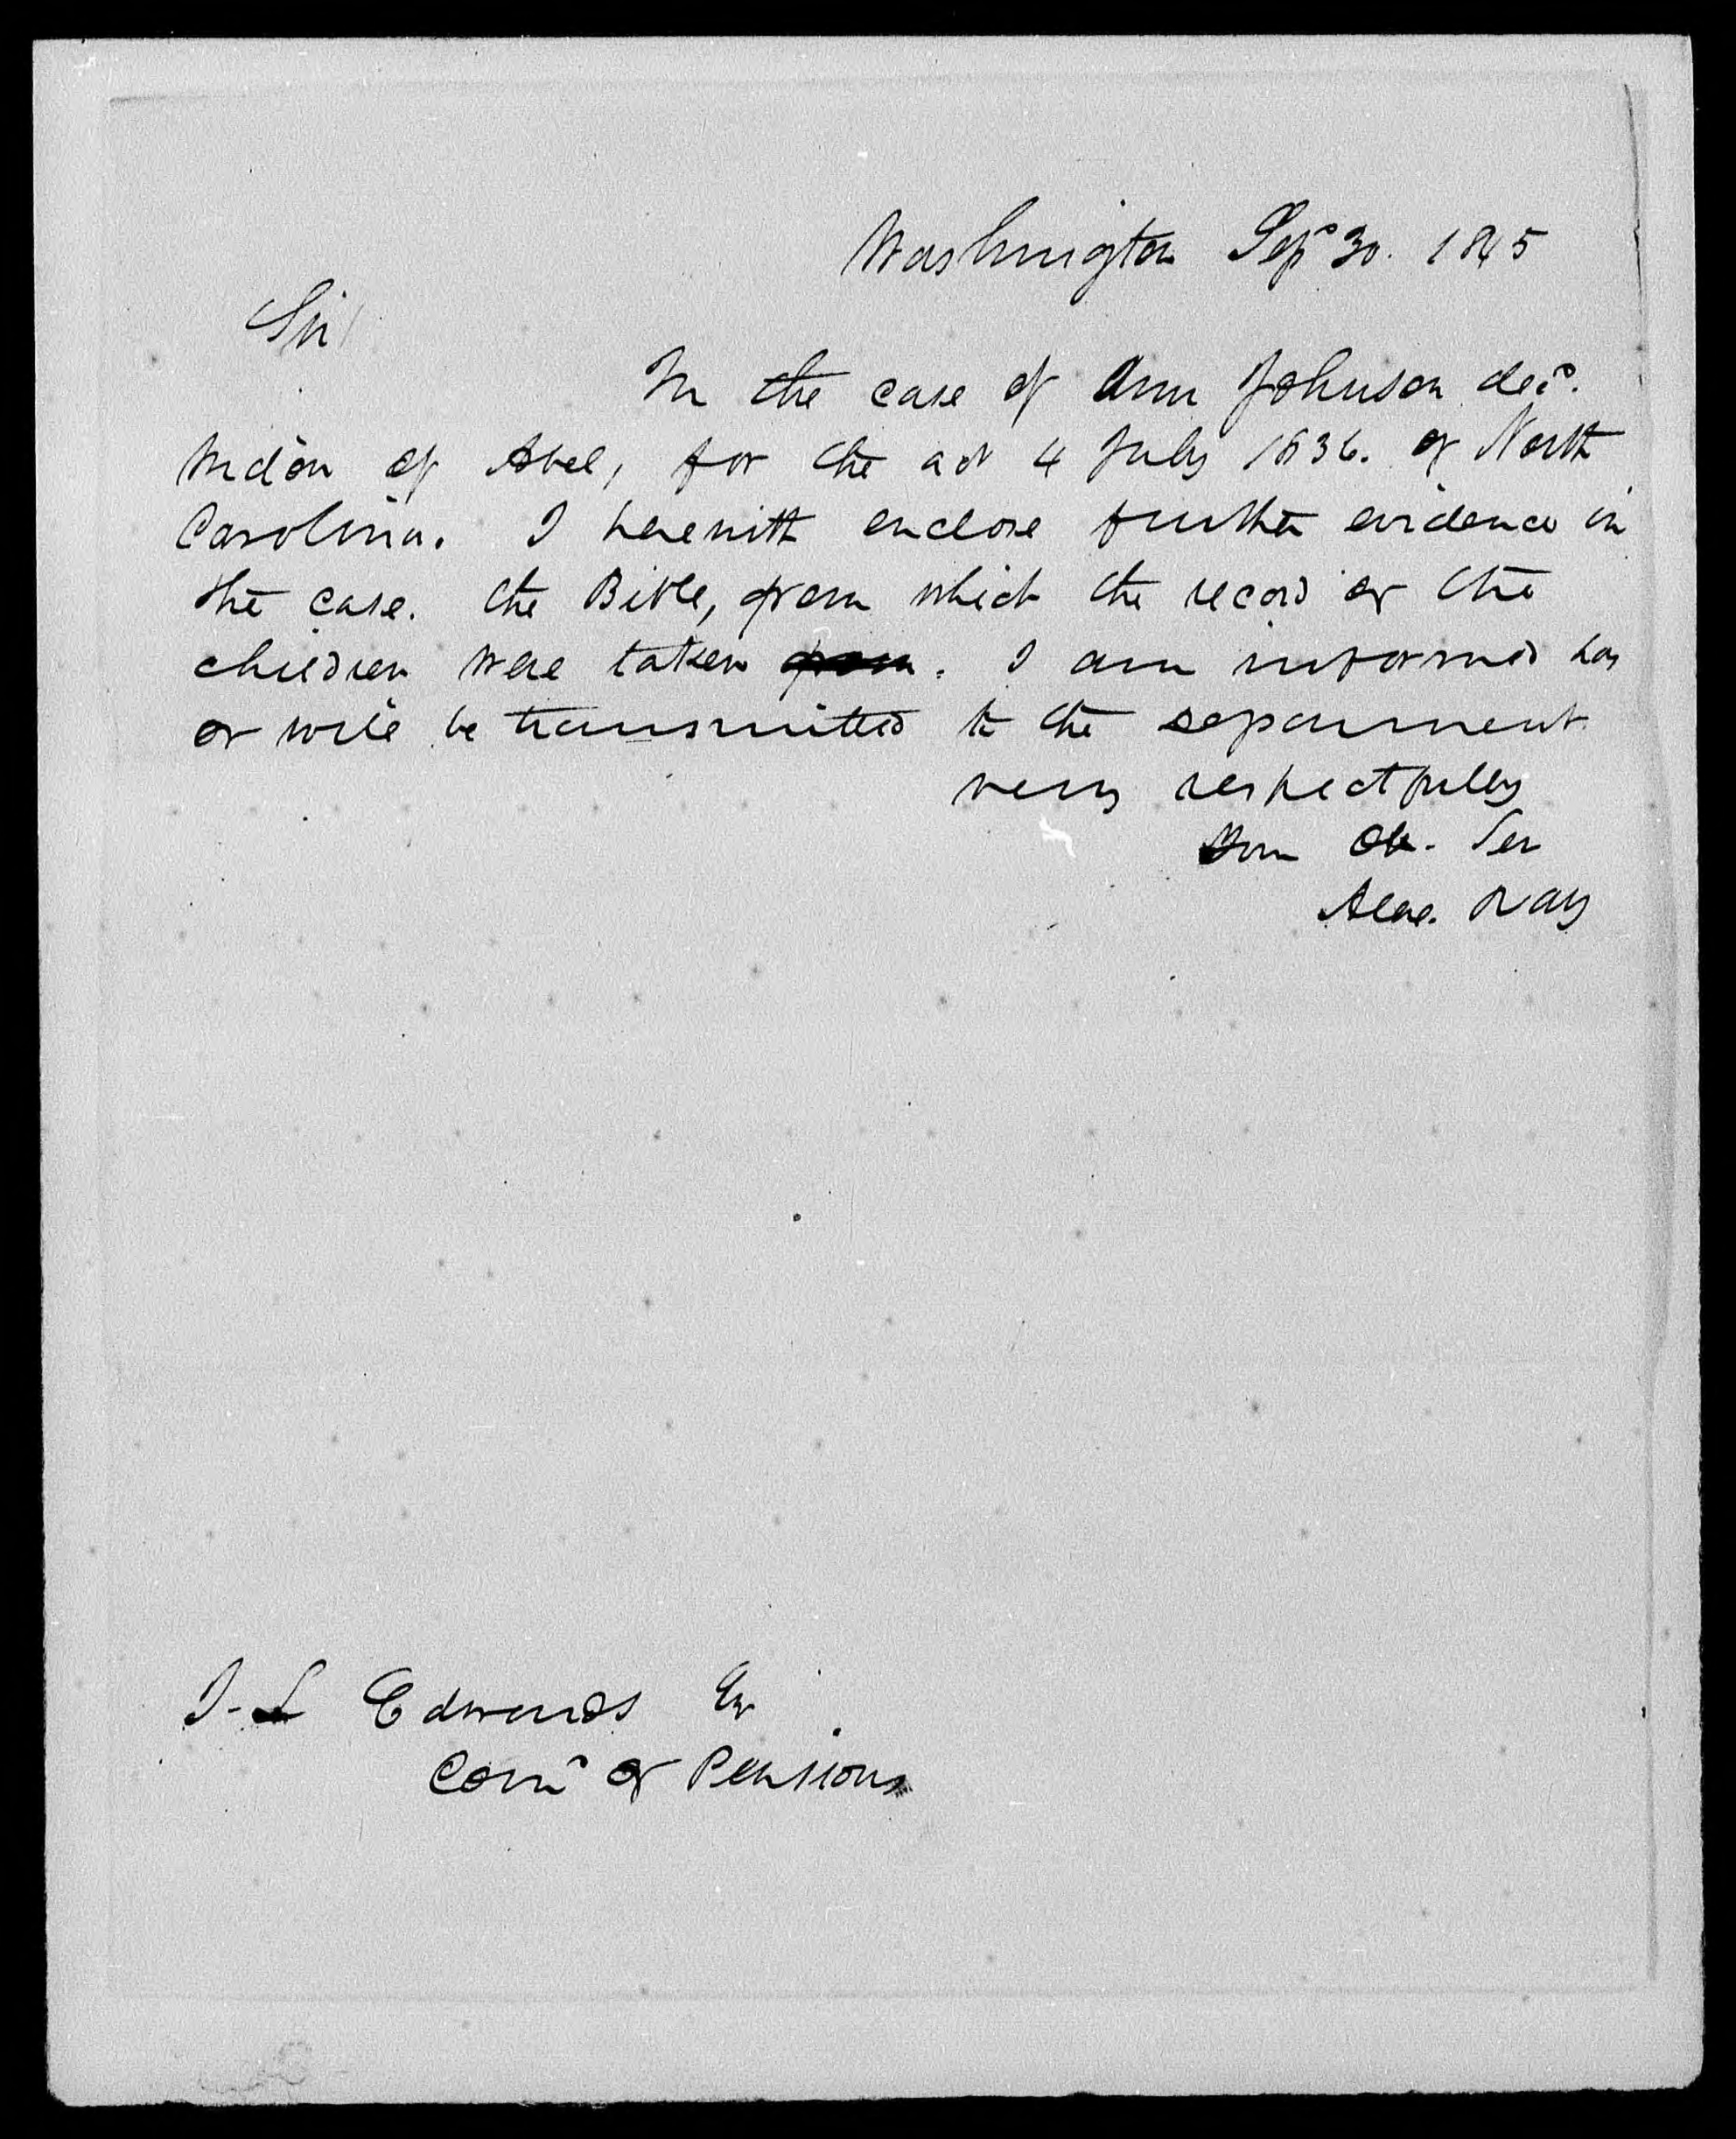Washington September 30, 1845
Sir, 
In the case of Ann Johnson dead, widow of Abel, for the Act 4 July 1836, of North Carolina. I have herewith enclose from the evidence in the case the Bible, from which the record of the children was taken. I am informed by or will be transmitted to the department.
Very respectfully, your obedient servant,
Alex Ray 

J. L. Edwards, Esq.,
Commissioner of Pensions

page: 47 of 74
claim: rejected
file: R. 5600, for Abel Johnson, North Carolina